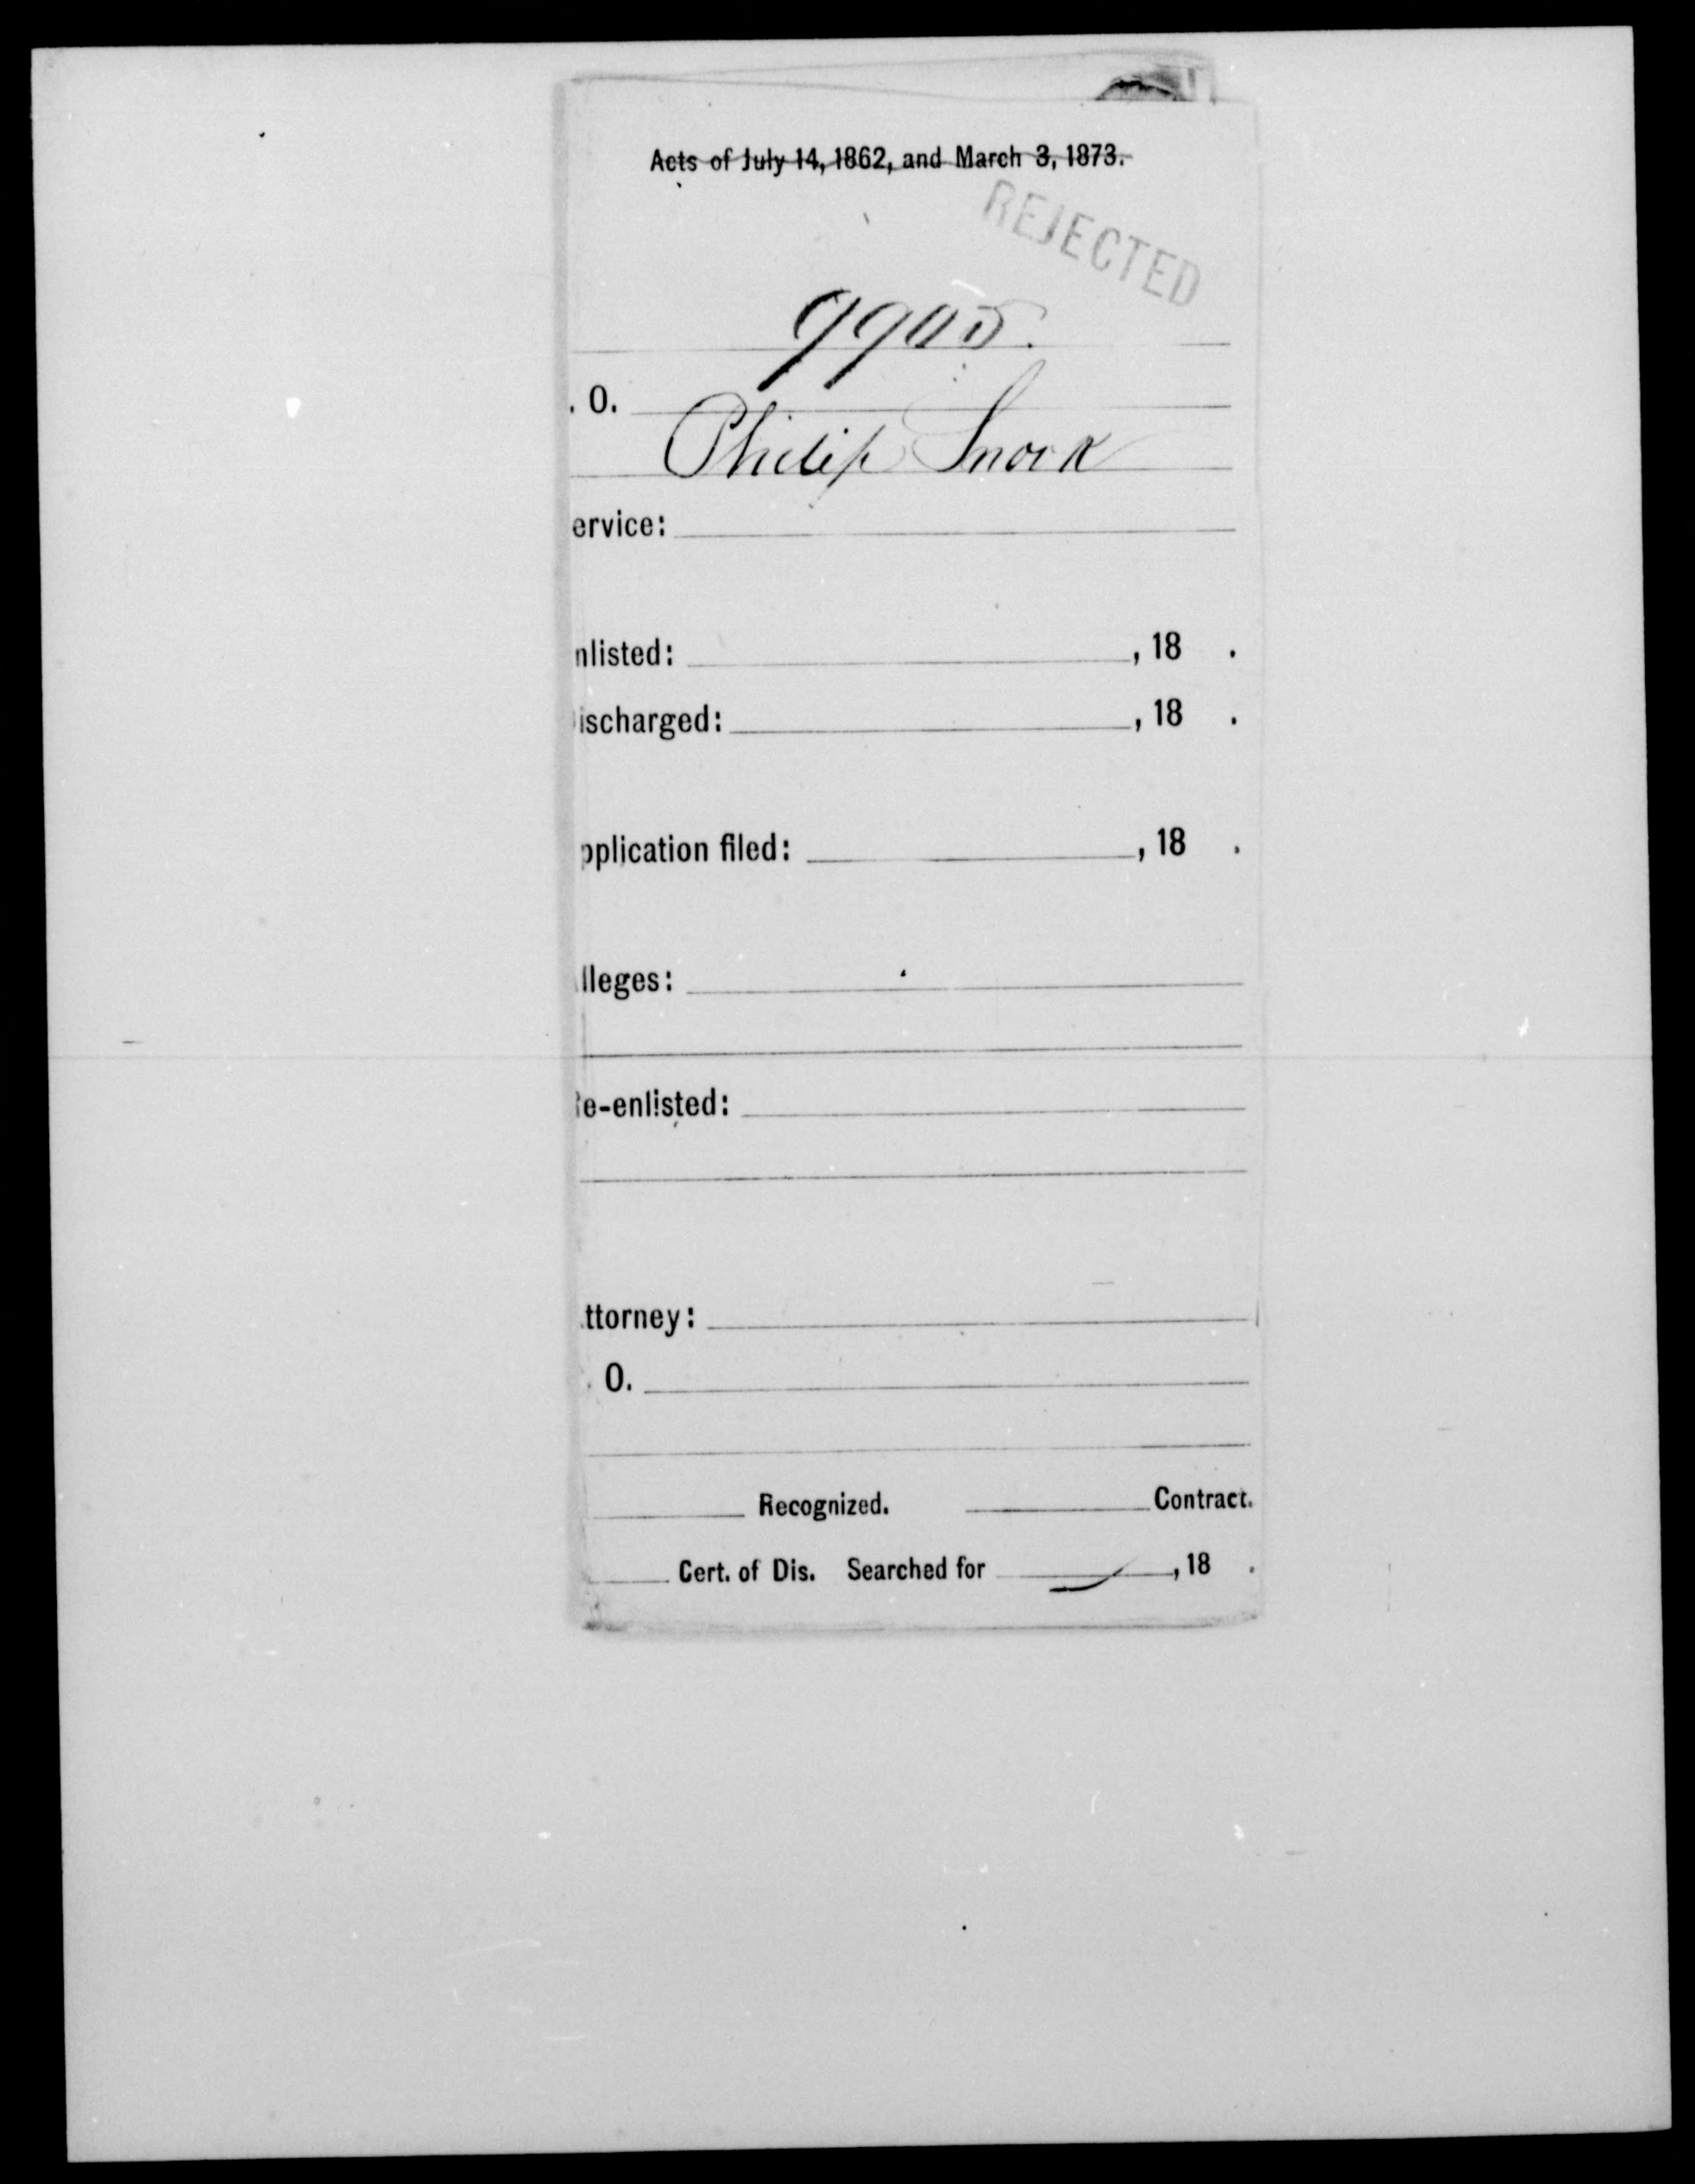Acts of July 14, 1862 and March 3, 1873

REJECTED

9905

Philip Snook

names: Philip Snook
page: 11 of 15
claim: rejected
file: R. 9,905, for Philip Snook, New Jersey